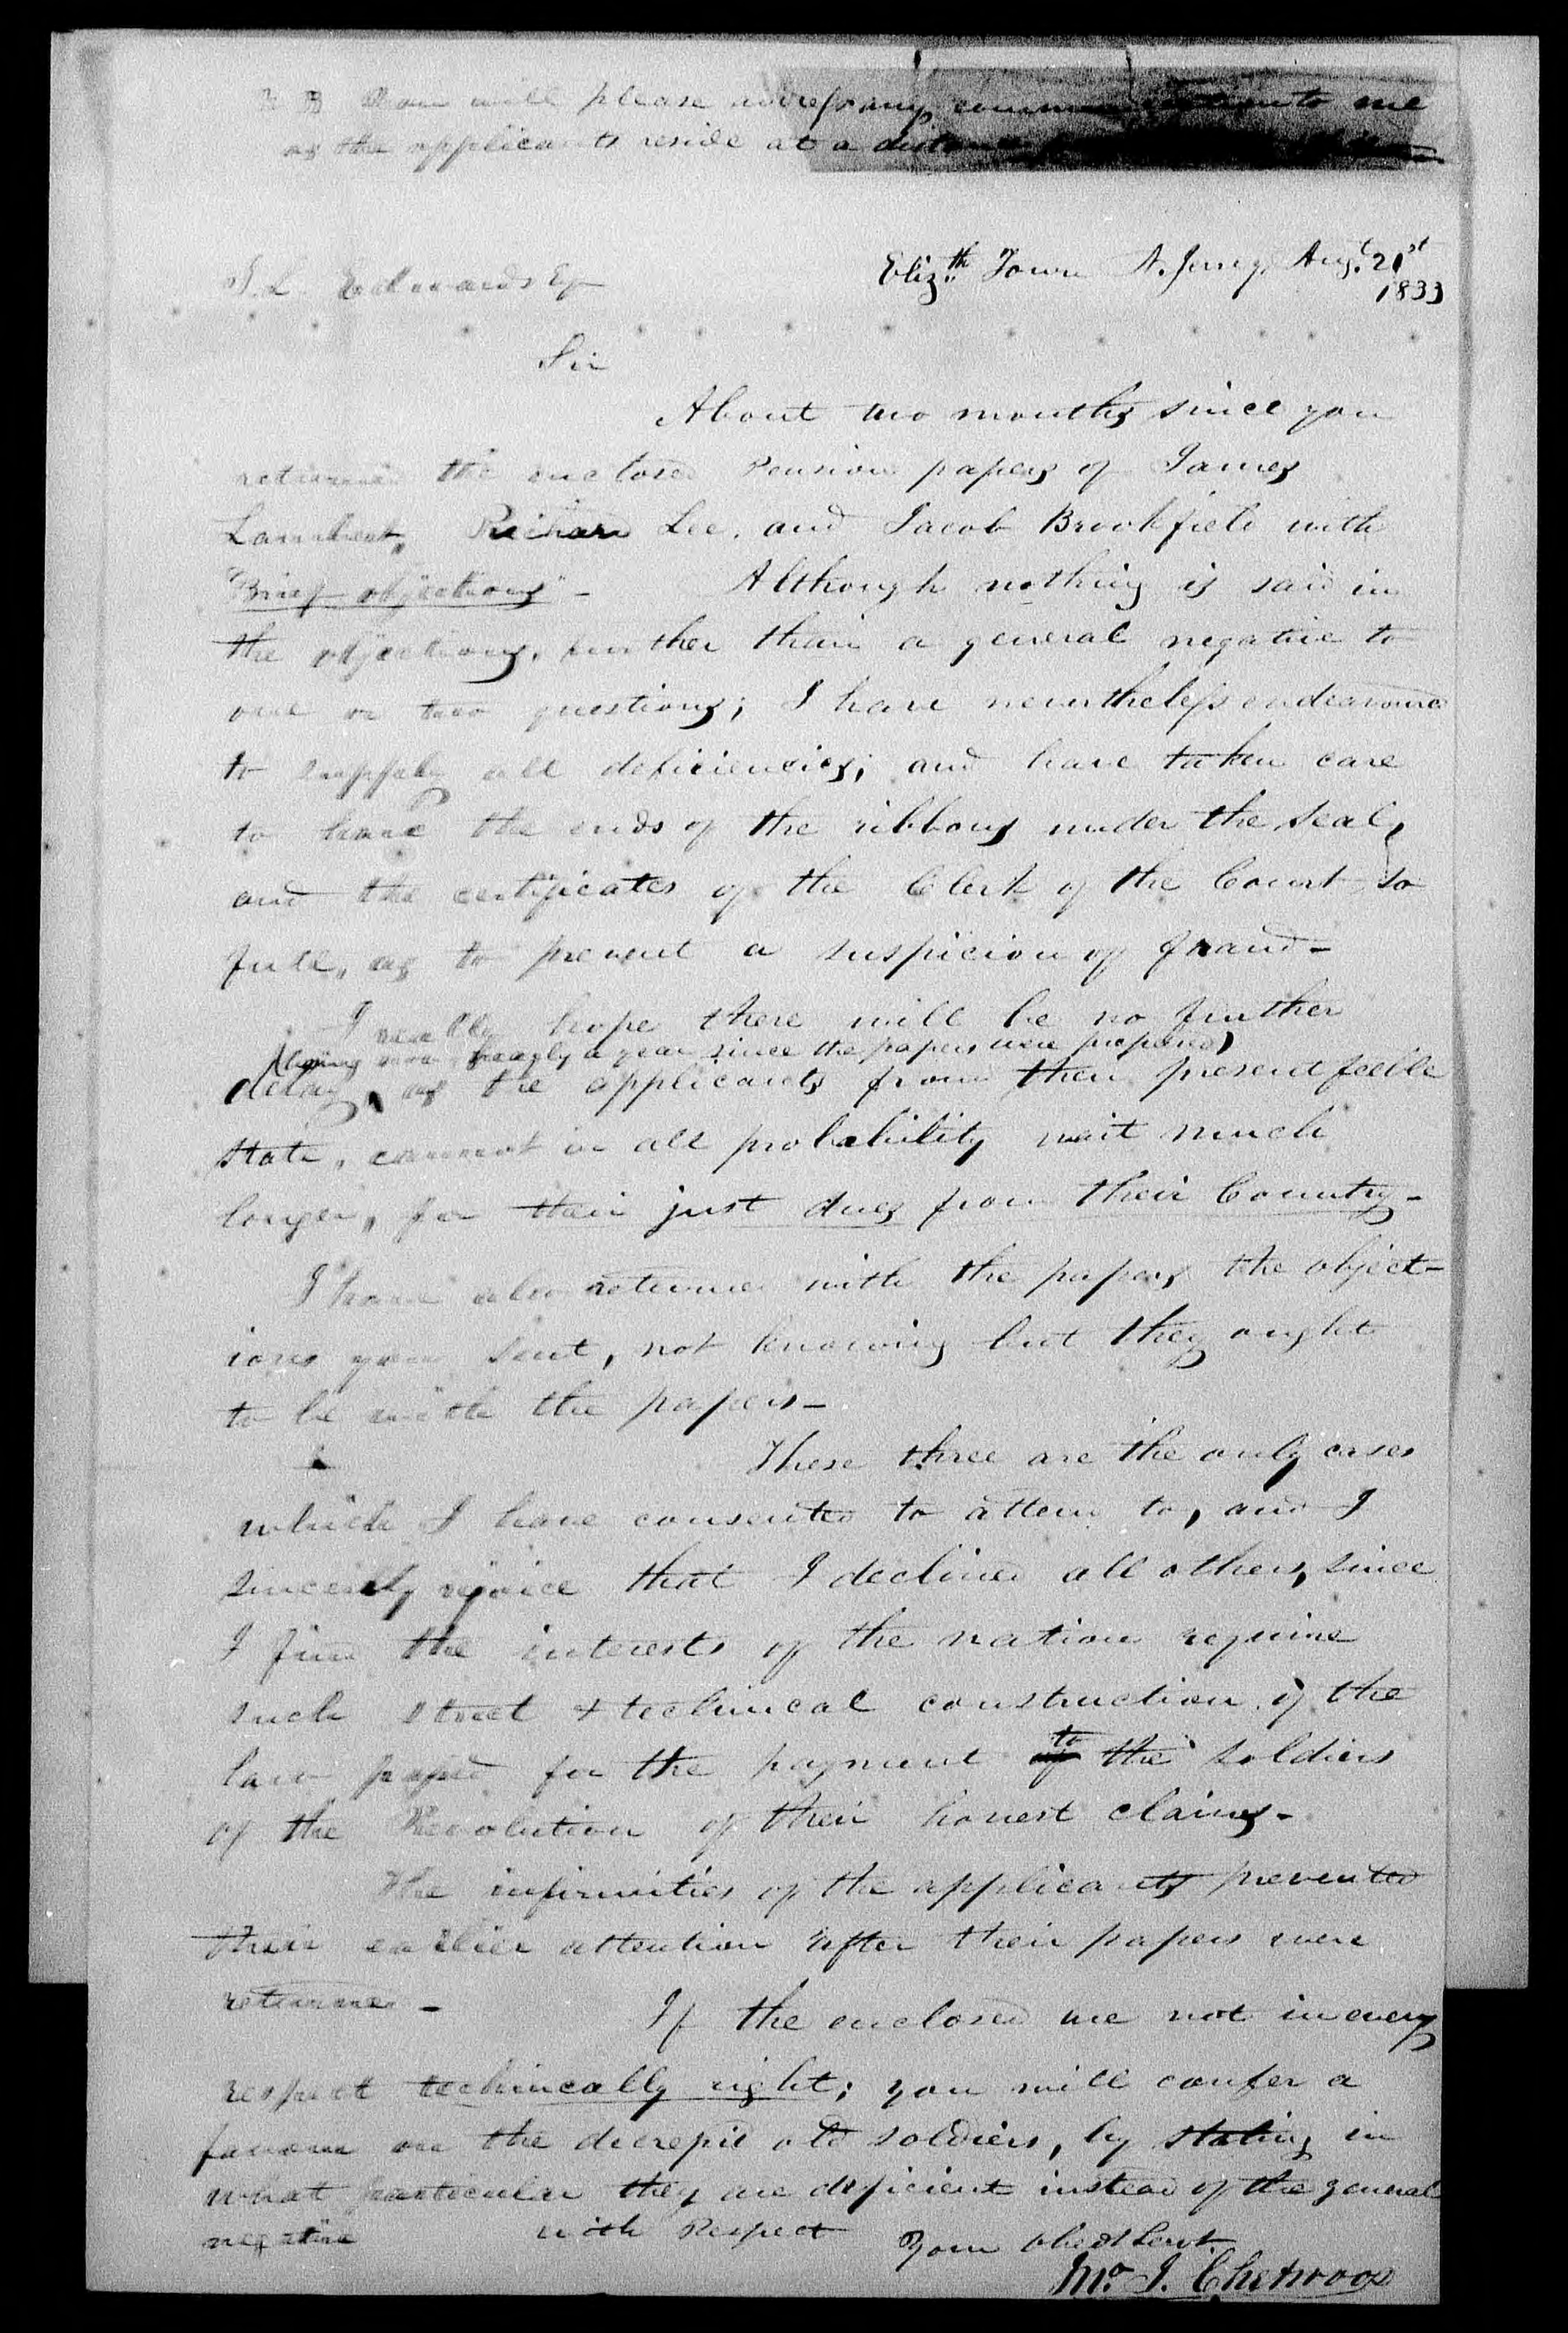N.R. Iam well please address any [illegible] to me as the applicants reside at a distance [illegible]
J L Edwards Esq

Elizth Town N. Jersey Aug. 21st 1833
Sir
About two months since you returned the enclosed Pension papers of James Lambert, Richard Lee and Jacob Brookfield with "Brief objections." Although nothing is said in
the objectives, further than a general negative to one or two questions; I have nevertheless endeavored to supply all deficiencies, and have taken care to have the ends of the ribbons under the Seal and the certificates of the Clerk of the Court to full as to prevent a suspicion of fraud.
I really hope there will be no further (being nearly a year since the papers were prepared)
delay of the applicants from their present feeble State, cannot in all probability
wait much longer, for their just dues from their County
I have also return with the papers the objections you sent, not knowing but they ought to be with the papers
These three are the only cases which I have consented to attend to, and I sincerely rejoice that I declined all other, since I find the interests of the nation require such strict & technical construction of the law passed for the payment to the soldiers of the Resolution of their honest claims. The infirmities of the applicants prevented their earlier attention after their papers were returned.
If the enclosed are not in every respect technically right; you will confer a favor on the decrepit old soldiers by stating what particular they are deficient instead of the general negative
with Respect
Your obedt Servt
Jno J Chetwood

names: Jacob Brookfield; Richard Lee; Jno J Chetwood; J L Edwards; James Lambert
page: 34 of 49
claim: widow's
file: W. 859, for James Lambert, New Jersey